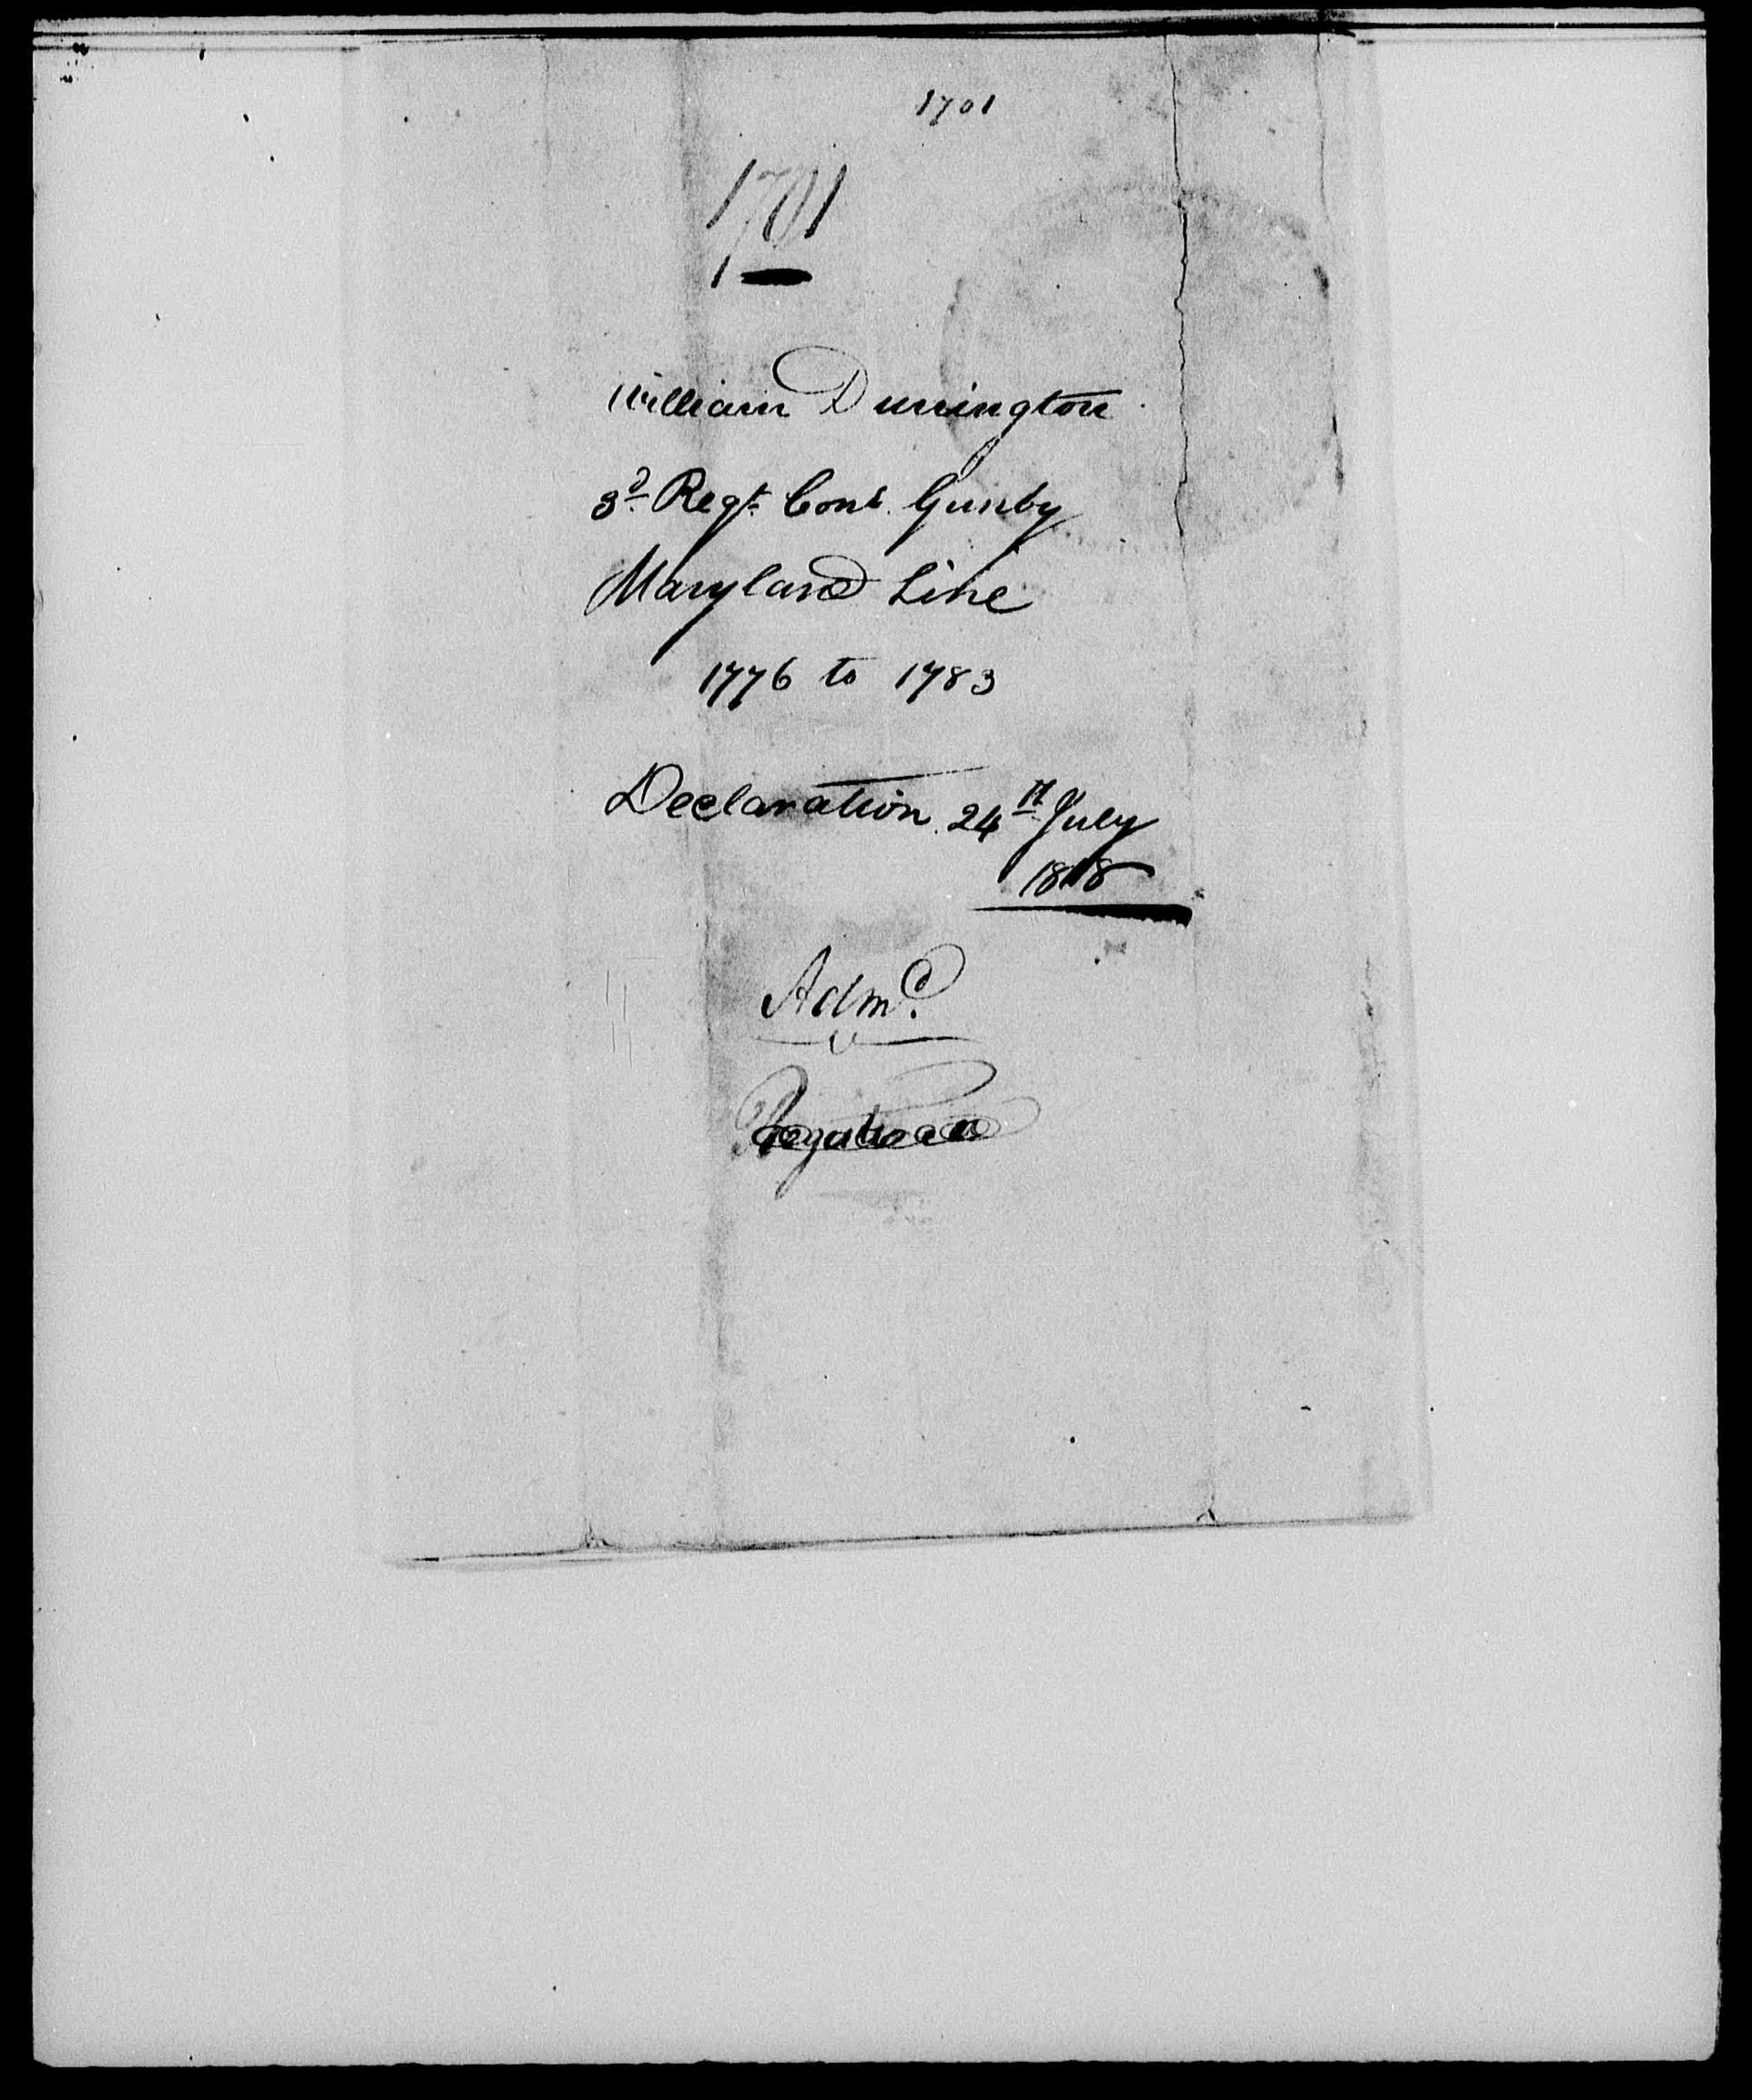1701
1701

William Dunington
3rd Regt. Colonel Gunby
Maryland Line
1776 to 1783

Declaration 24th July
1818

Adm.
[illegible]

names: William Durrington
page: 13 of 51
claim: widow's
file: W. 27,409, William Dunnington, Md.